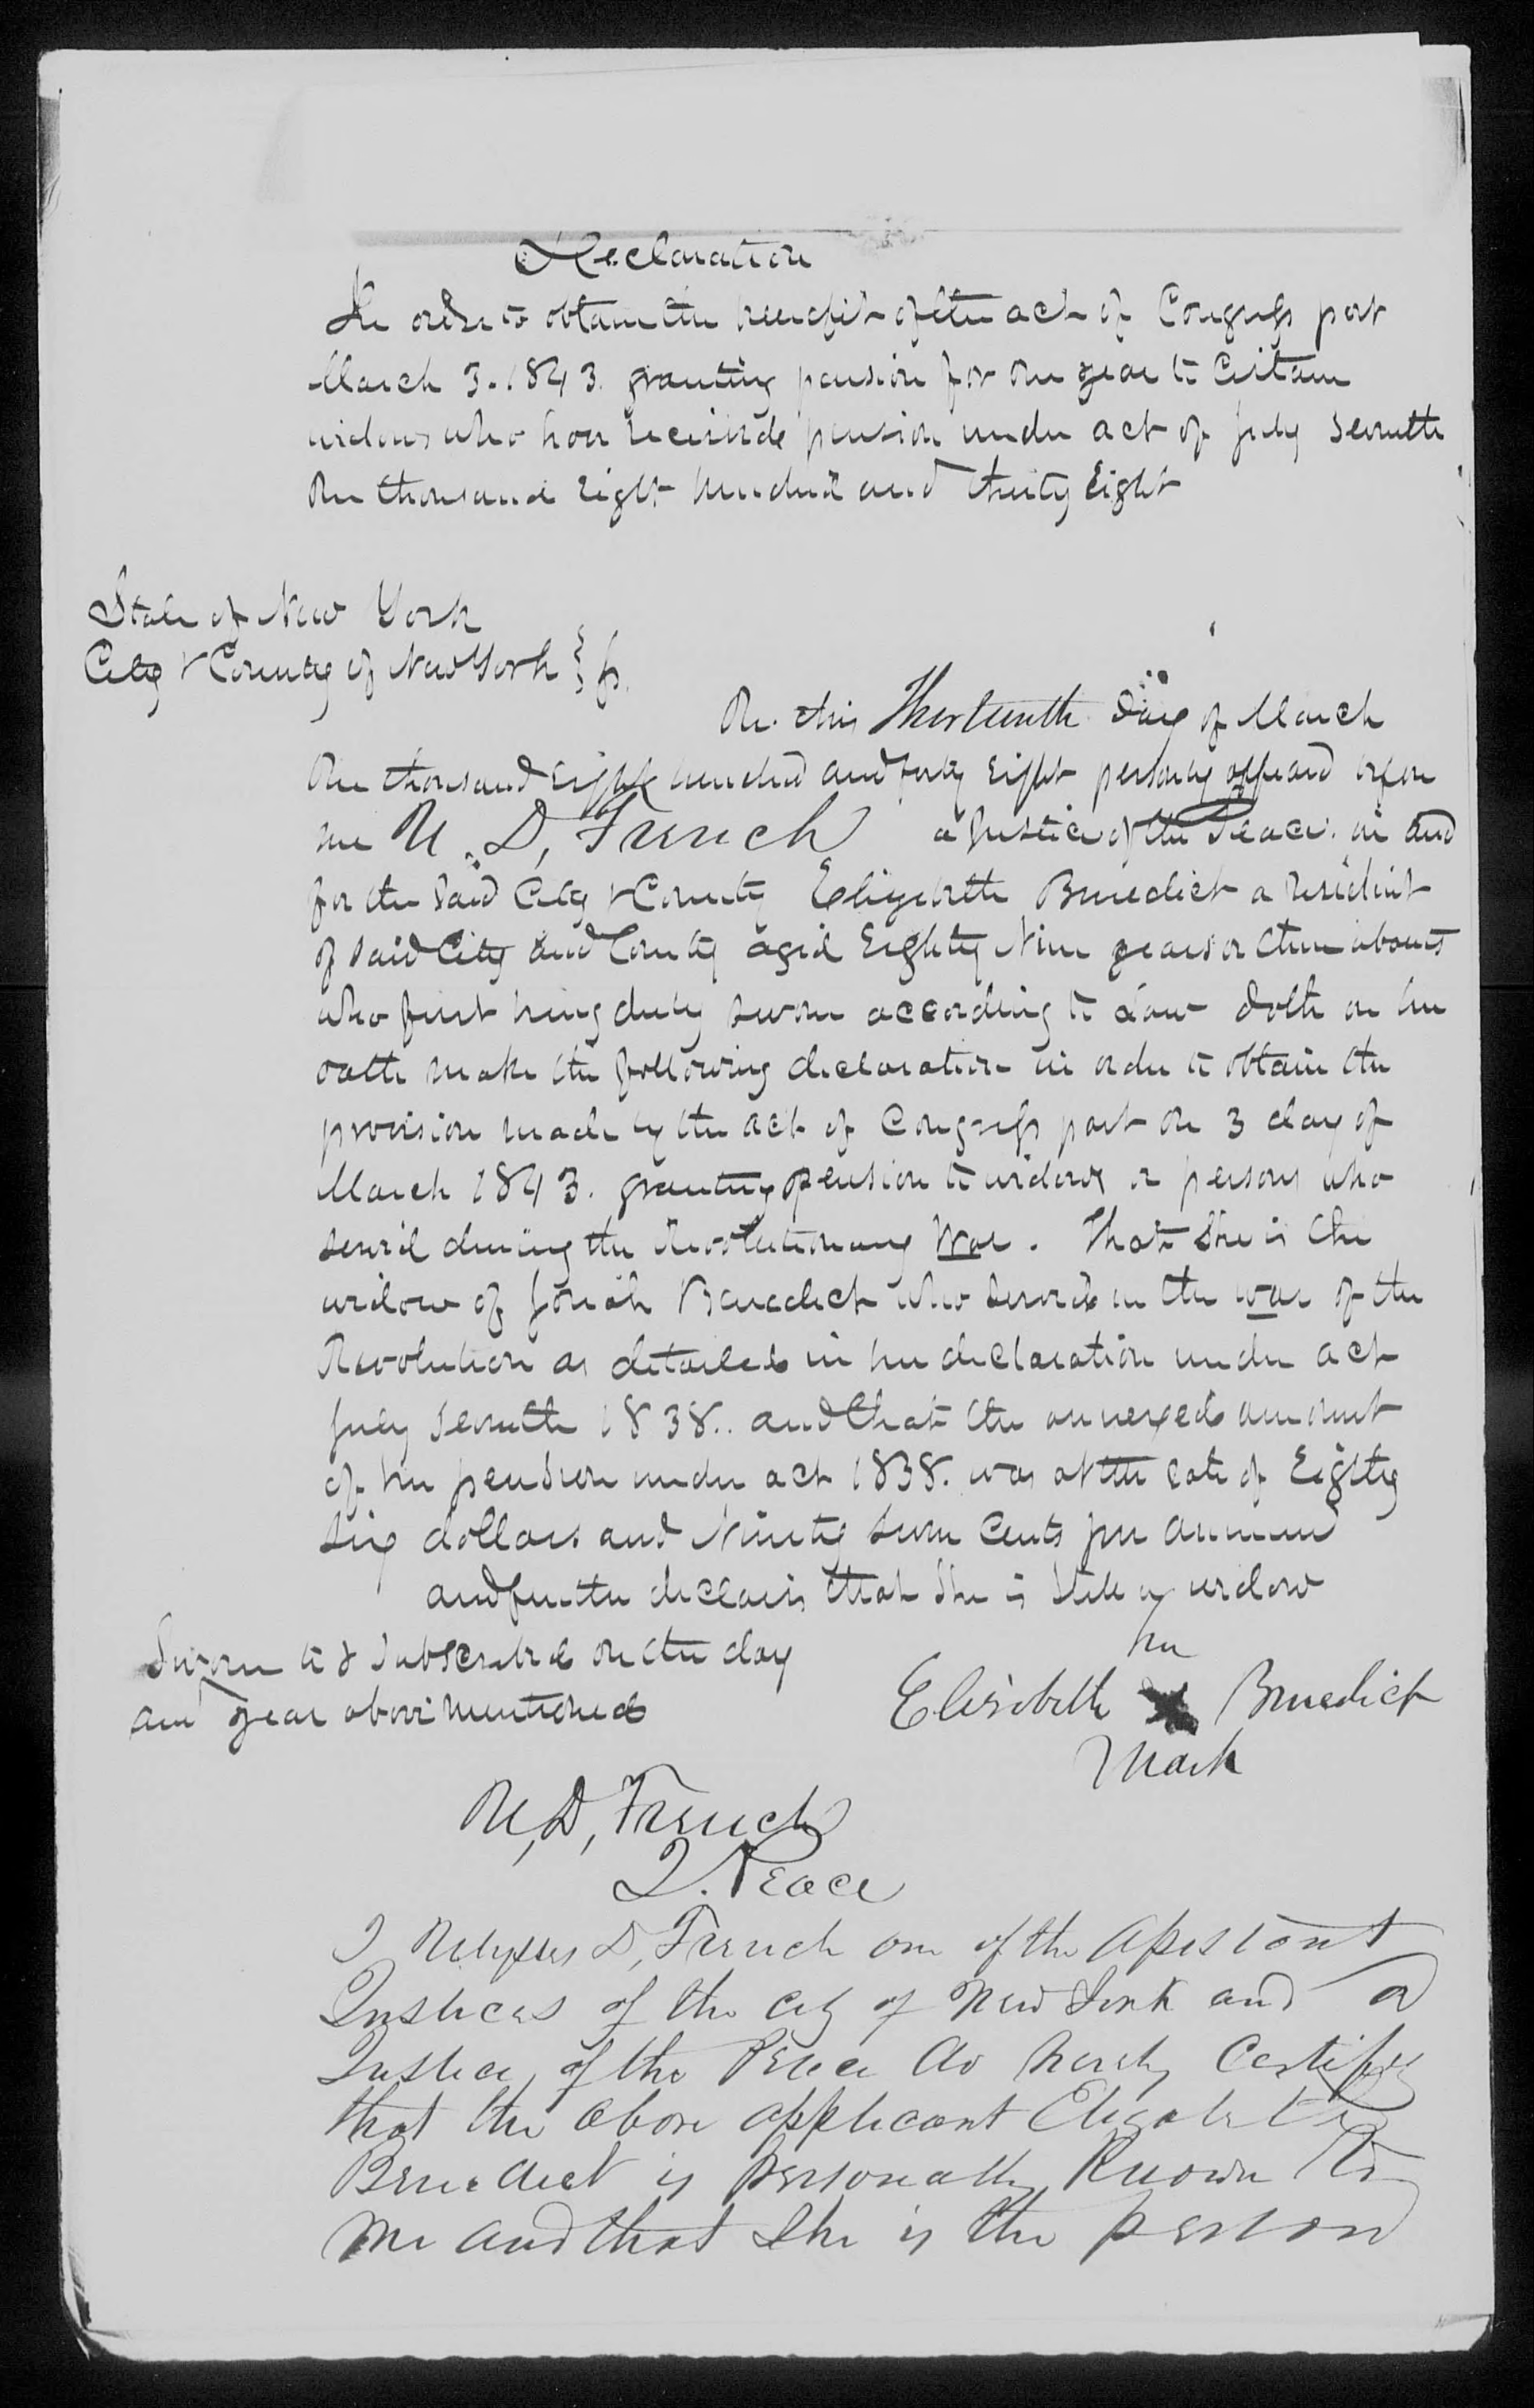Declaration
In order to obtain the benefit of the act of Congress past
March 3. 1843. granting pension for one year to certain
widows who have received pension under act of July Seventh
on thousand Eight hundred and thirty Eight

State of New York
City & County of New York
                                                  On this Thirteenth day of March
One thousand Eight hundred and forty Eight personaly appeared before
me U. D. French a Justice of the Peace in and
for the said City & County Elizabeth Benedict a resident
of said City and County aged Eighty Nine years or there about
who first being duly sworn according to Law doth on her
oath make the following declaration in order to obtain the
provision made by the act of Congress past on 3 clay of
March 1843 granting pension to widows of persons who
served during the Revolutionary War. That she is the
widow of Jonah Benedict who served in the war of the
Revolution as detailed in her declaration under act
July Seventh 1838 and that the annexed amount
of her pension under act 1838, was at the rate of Eighty
six dollars and ninety seven cents per annum
and further declare that she is still a widow
Sworn and subscribed on the day                                    her
and year above mentioned                                 Elizabeth X  Benedict
             U.D. French                                                          mark
                     J. Peace                                                             
I Ulysses D. French one of the Assistant
Justices of the City of New York and a
Justice of the Peace do hereby certify
that the above applicant Elizabeth
Benedict is personally known to
me and that she is the person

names: Elizabeth Benedict, Elizabeth Benedict, U D French, Jonah Benedict, Elizabeth Benedict, U D French, Ulysses D French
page: 50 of 56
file: [ILLEGIBLE], Jonah Benedict, Conn.